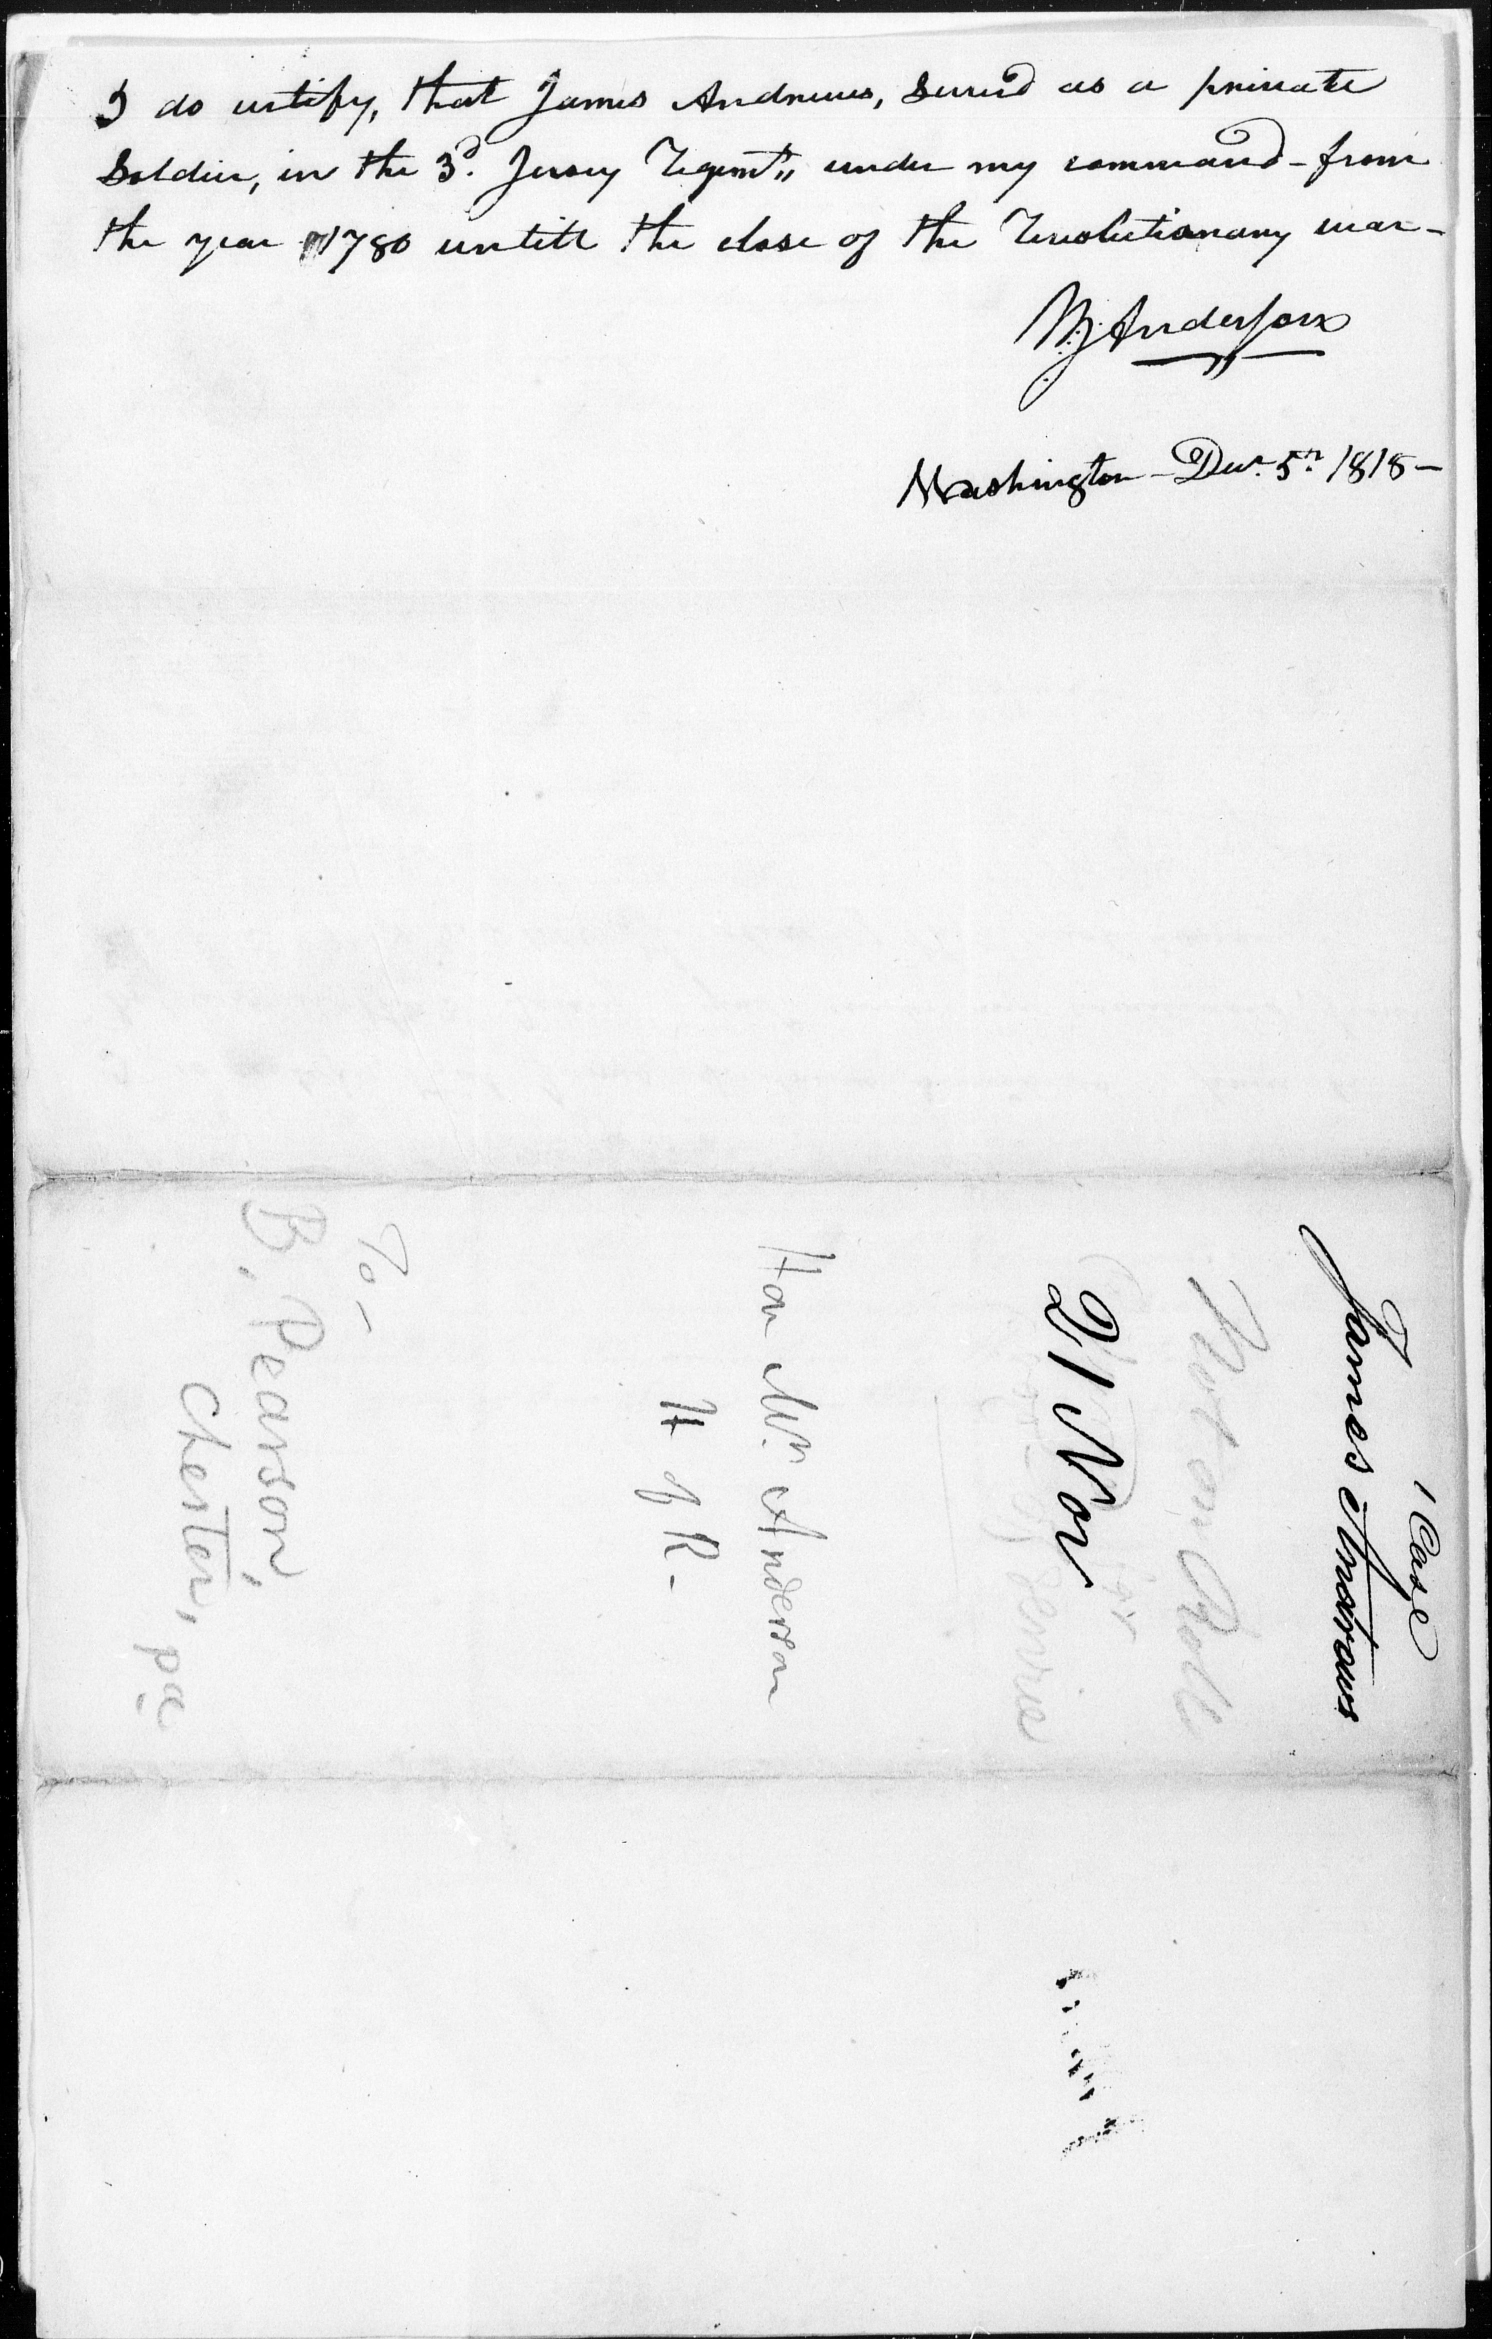I do justify that James Andrews, Served as a private Soldier, in the 3rd Jersey Regiment under my command from the year 1780 until the clos of the Revolutionary war 

signed Wm Anderson


Washington  Dec 5th , 1818-


1 Case


James Andrews
 Not on Roll
21 Nov

Hon. Wm Anderson

H of R

To B Pearson Chester, Pa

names: James Andrews, Wn Anderson, James Andrews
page: 6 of 9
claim: survivor's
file: S. 39934, James Andrews, New Jersey